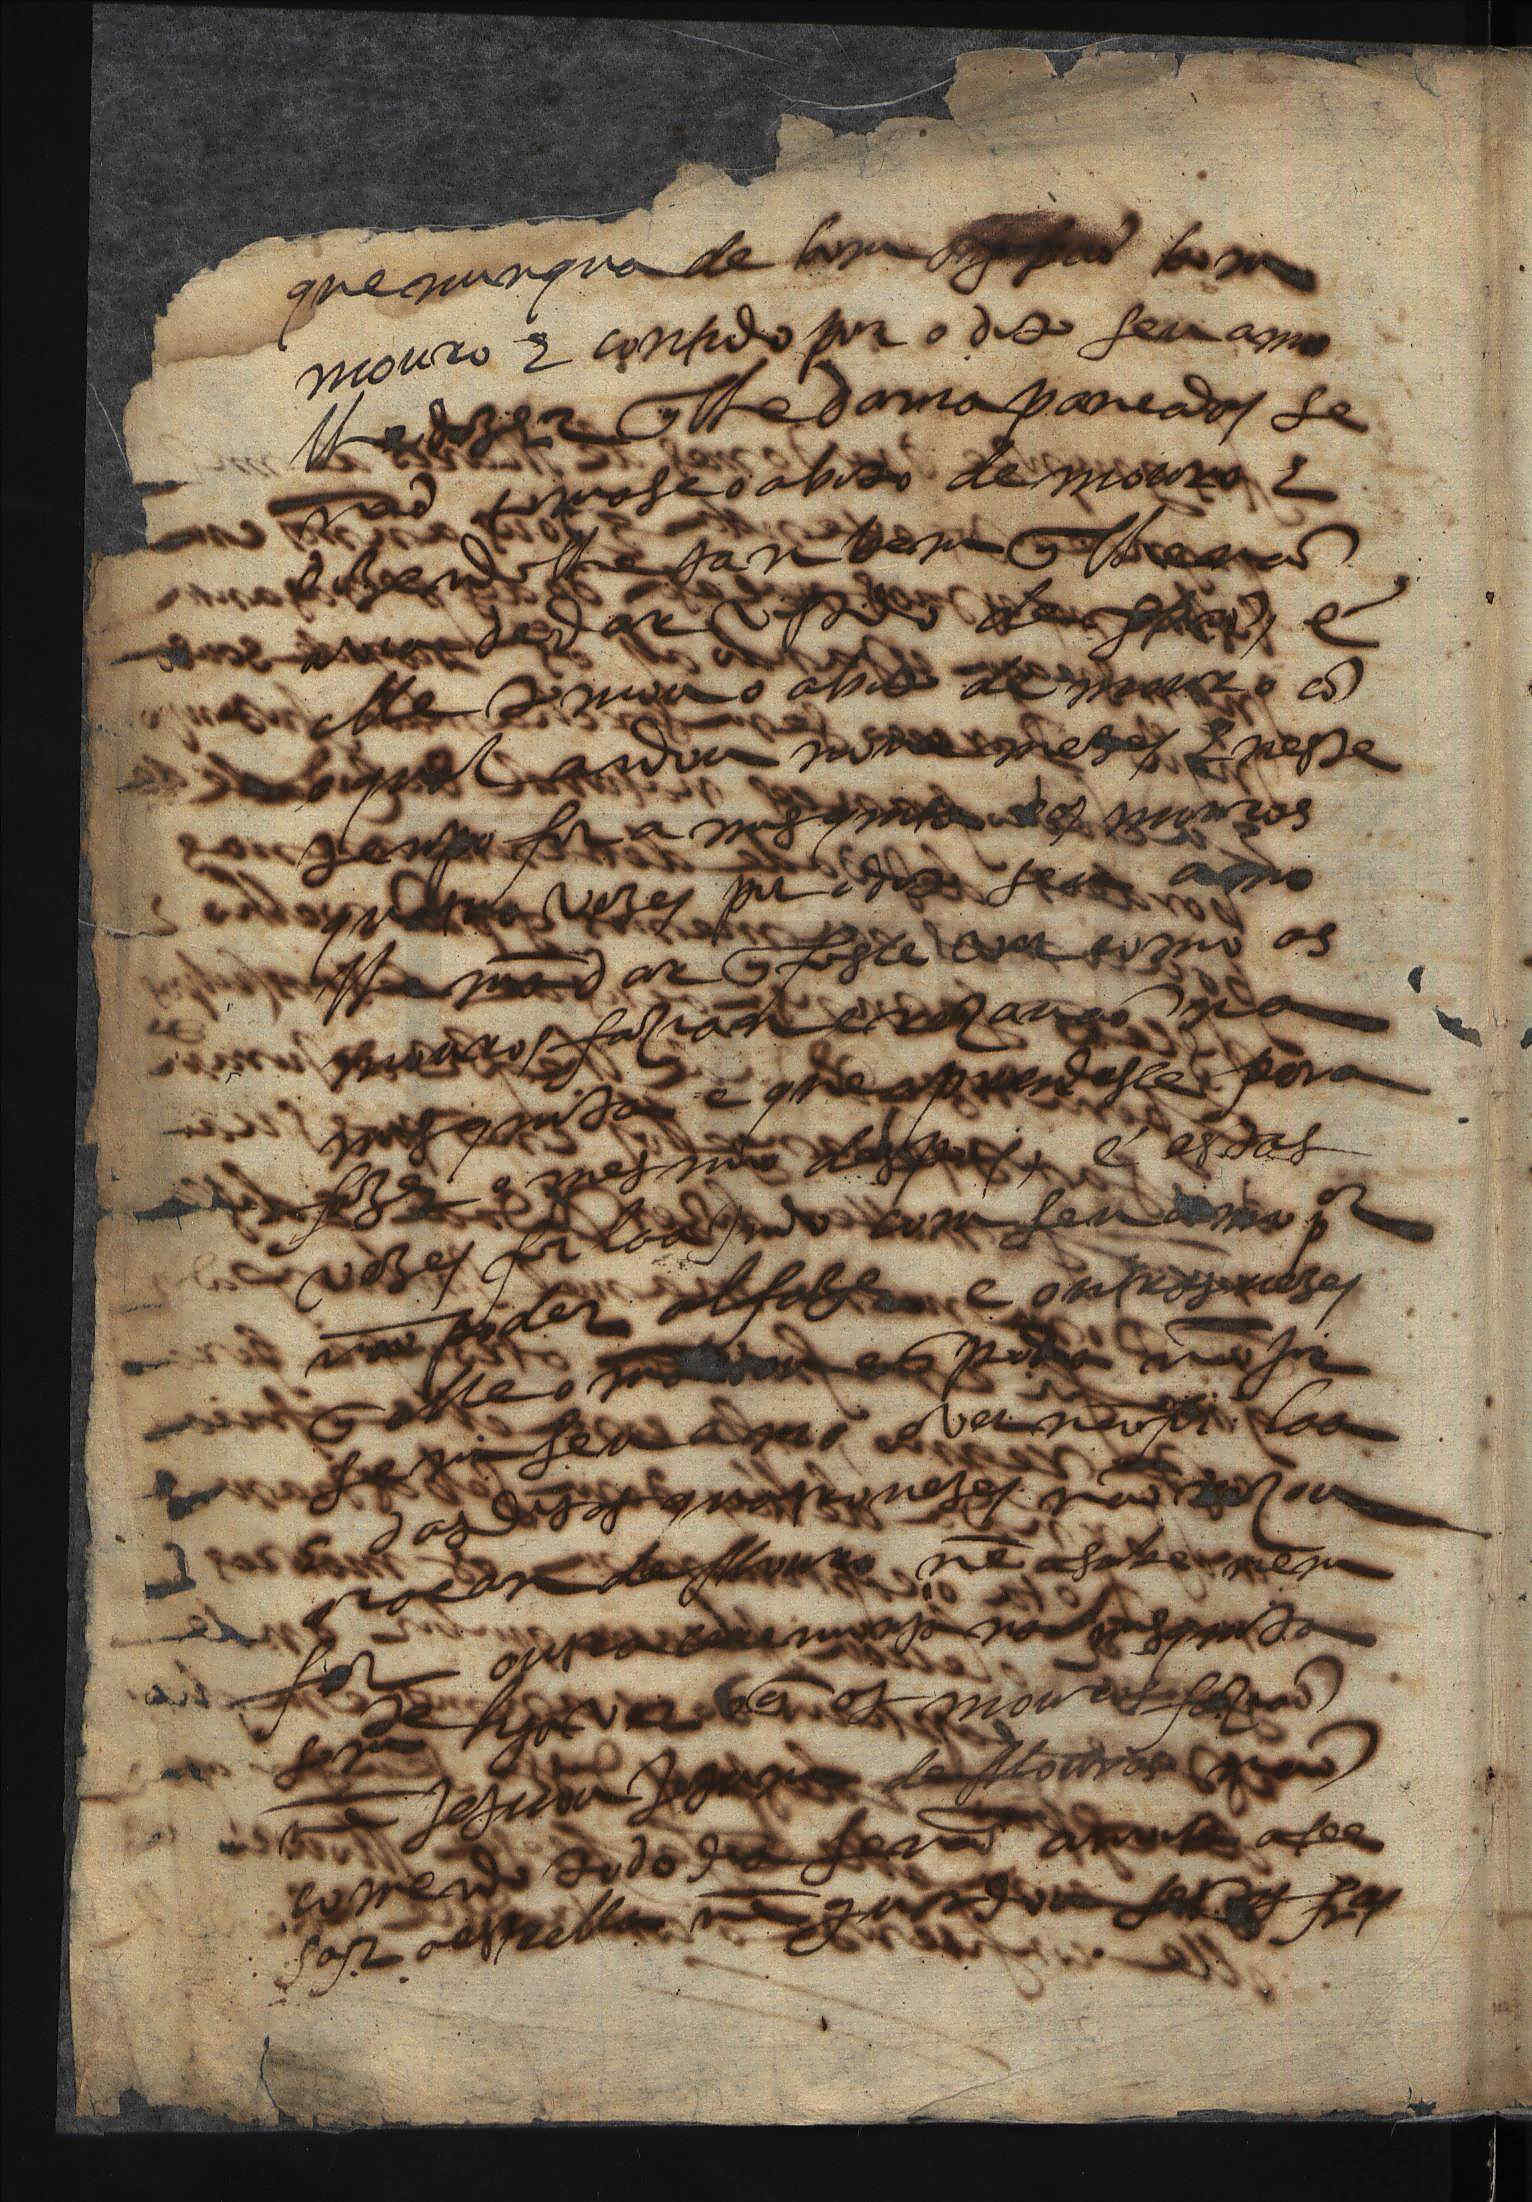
que nunqua de hora christaõ hora
mouro E contido por o dito seu amo
lhe dizer q̄ lhe daria pancadas se
naõ tomase o abito de mouro E
dizendolhe tanbem q̄ lhe naõ
avia dadar uestido de xpaõ e
elle tomou o abito de mouro cō
o qual andou noue meses E neste
tenpo foi a mesquita dos mouros
quatro uezes por o dito seu amo
lhe mādar q̄ fosce ver como os
mouros fazian e rezauaõ na
mesquita e que aprendesse pera
fazer o mesmo despojs, e estas
vezes foi laa Indo com seu amo por
nā poder alfazer e outras uezes
q̄ elle o mādou esperar nā Jr
sem seu amo o ver nā foi laa
e das ditas quatro uezes não rezou
oraçam de Mouro nē a sabe nem
fez outra ceremonja na mesquita
somte hya uer o q̄ os mouros faziāo
nē Jejuou Jejum de Mouros naõ
comendo todo dia senão a noite atee
sajr a estrella nē guardou sestas fras.
